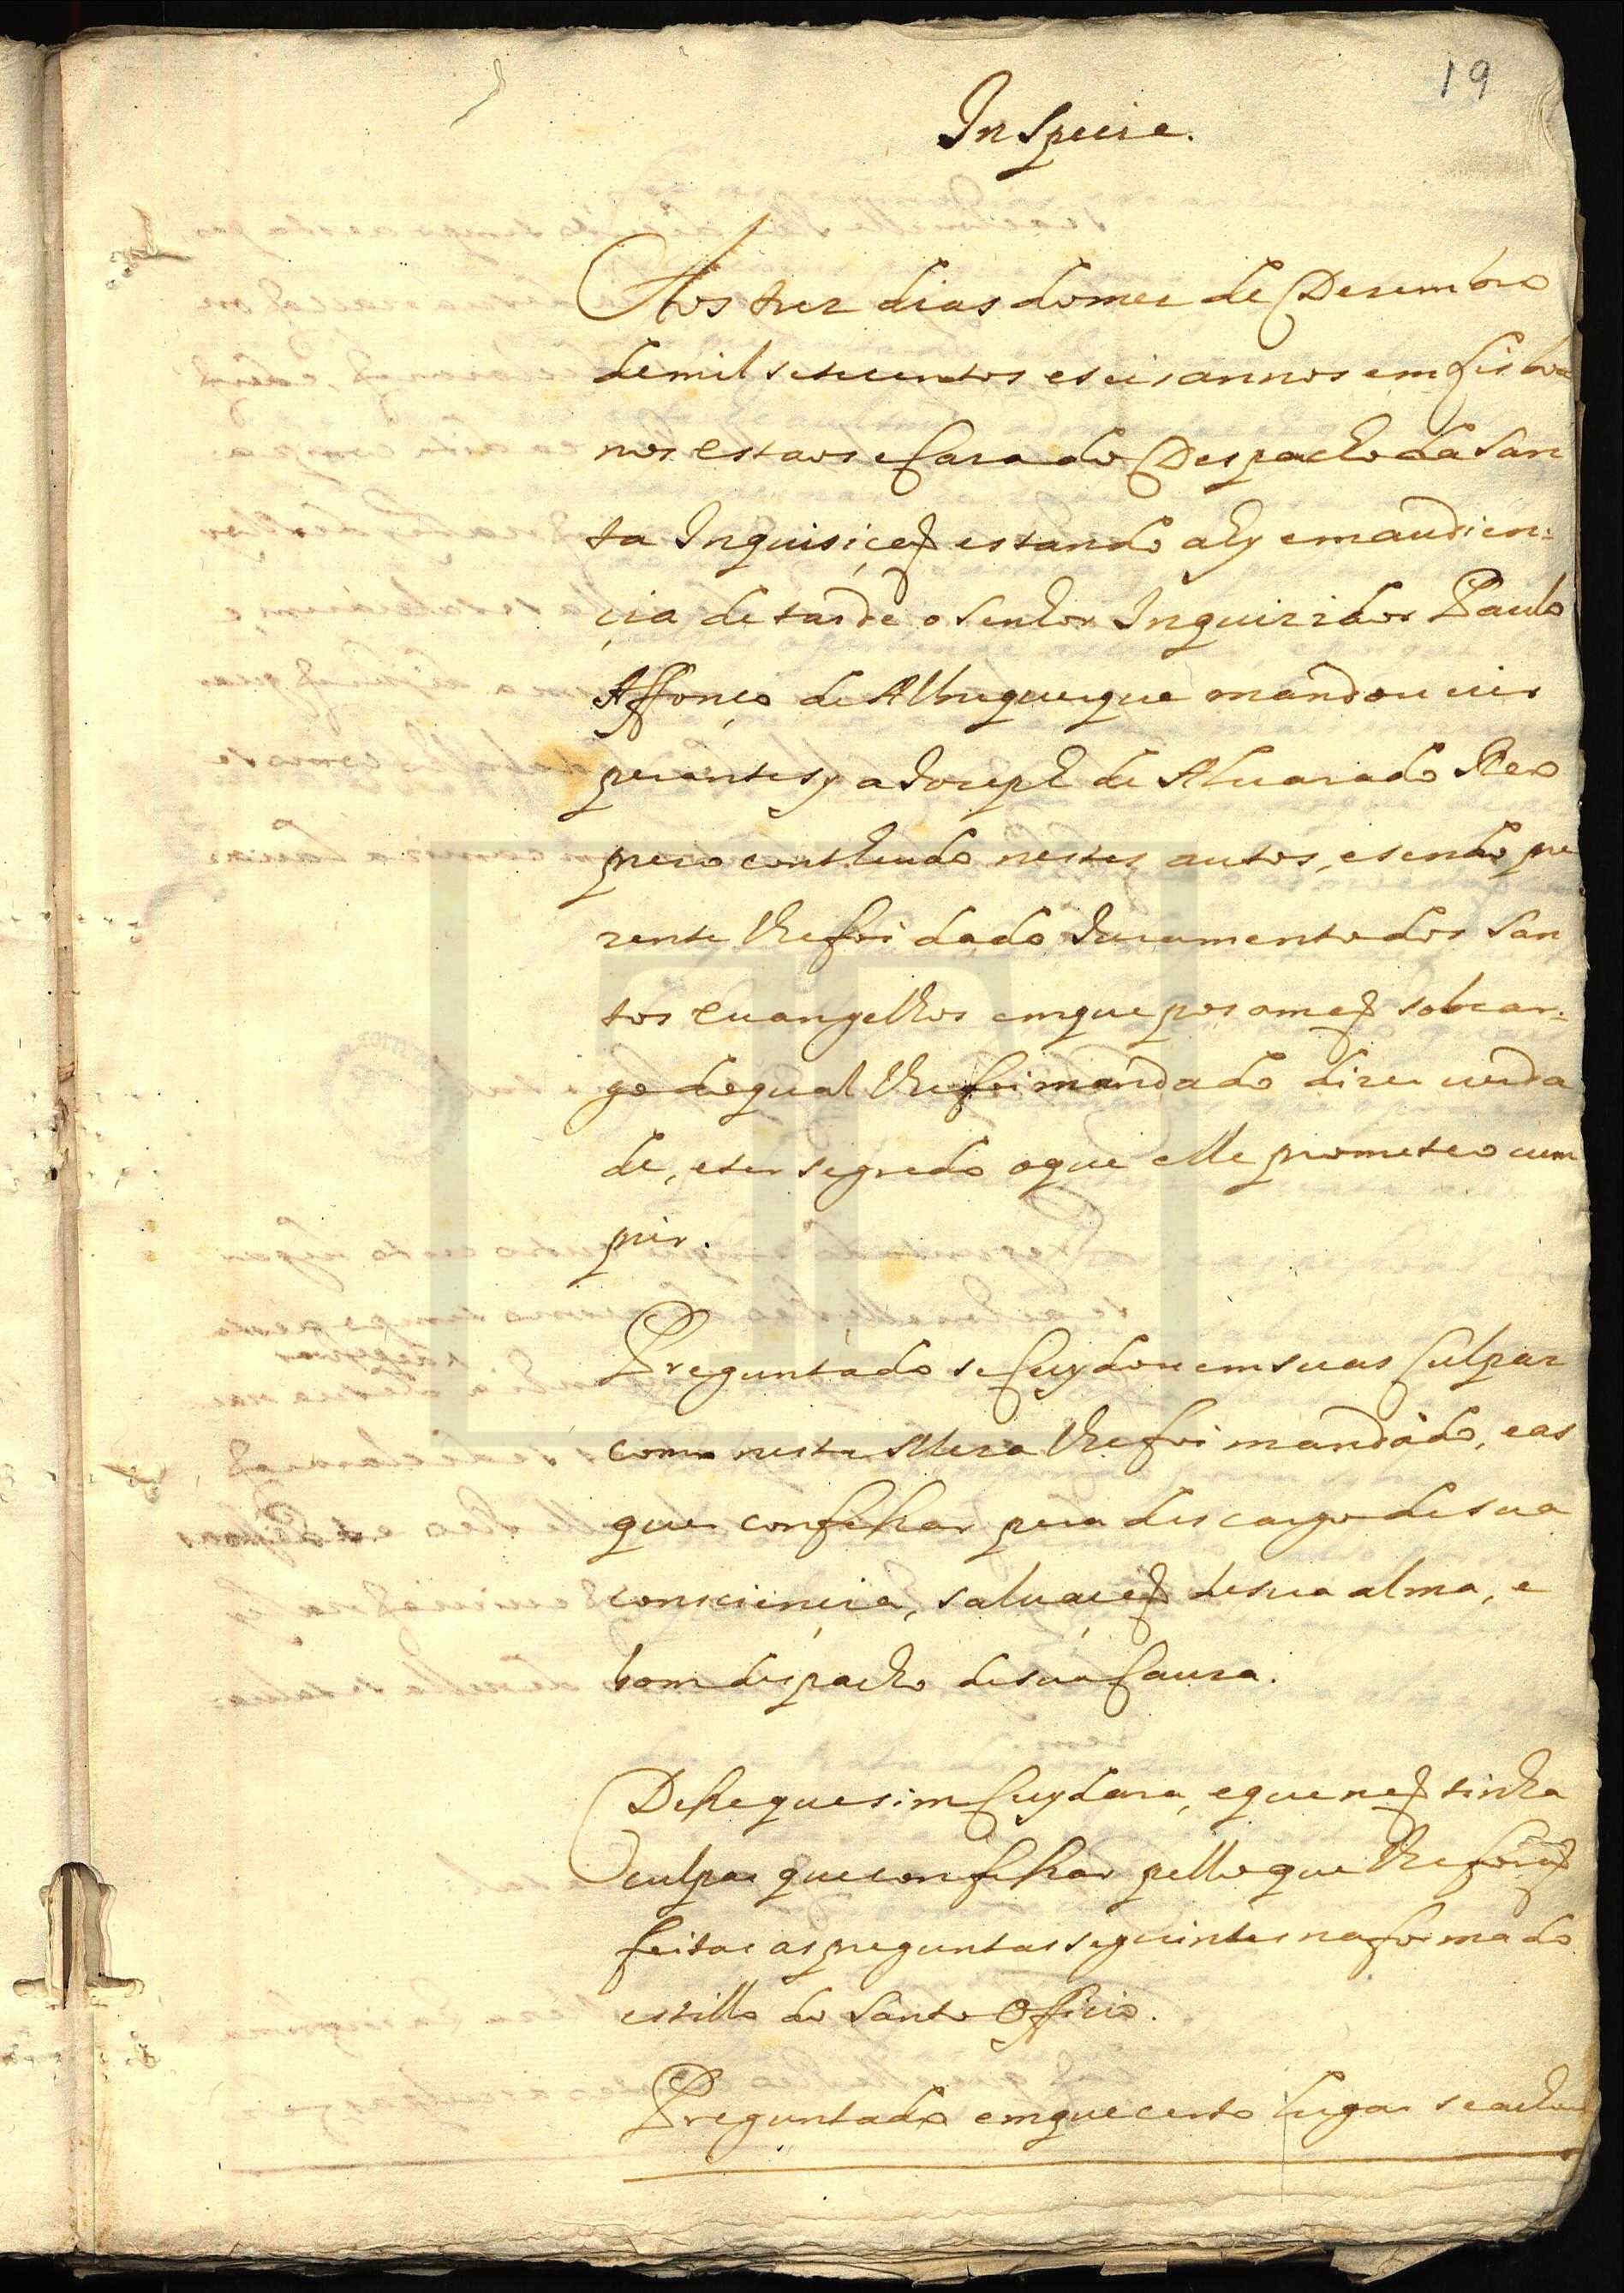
In specie.
Aos trez dias do mes de Dezembro
de mil setecentos e seis annos em Lisboa
nos estaos e Caza do Despacho da San
ta Inquisiçaõ estando ahy em audien
cia de tarde o senhor Inquizidor Paulo
Affonço de Albuquerque mandou uir
perante sy a Iozeph de Aluarado Reo
prezo contheudo nestes autos, e sendo pre
zente lhe foi dado Iuramento dos San
tos euangelhos em que pos a maõ sob car
go do qual lhe foi mandado dizer uerda
de, e ter segredo o que elle prometeo cum
prir.
Preguntado se Cuydou em suas Culpas
como nesta Meza lhe foi mandado, e as
quer confessar pera descargo de sua
consciencia, saluaçaõ de sua alma, e
bom despacho de sua Cauza.
Disse que sim Cuydara, e que naõ tinha
culpas que confessar pello que lhe foraõ
feitas as preguntas seguintes na forma do
estillo do Santo Officio.
Preguntado em que certo lugar se achou
